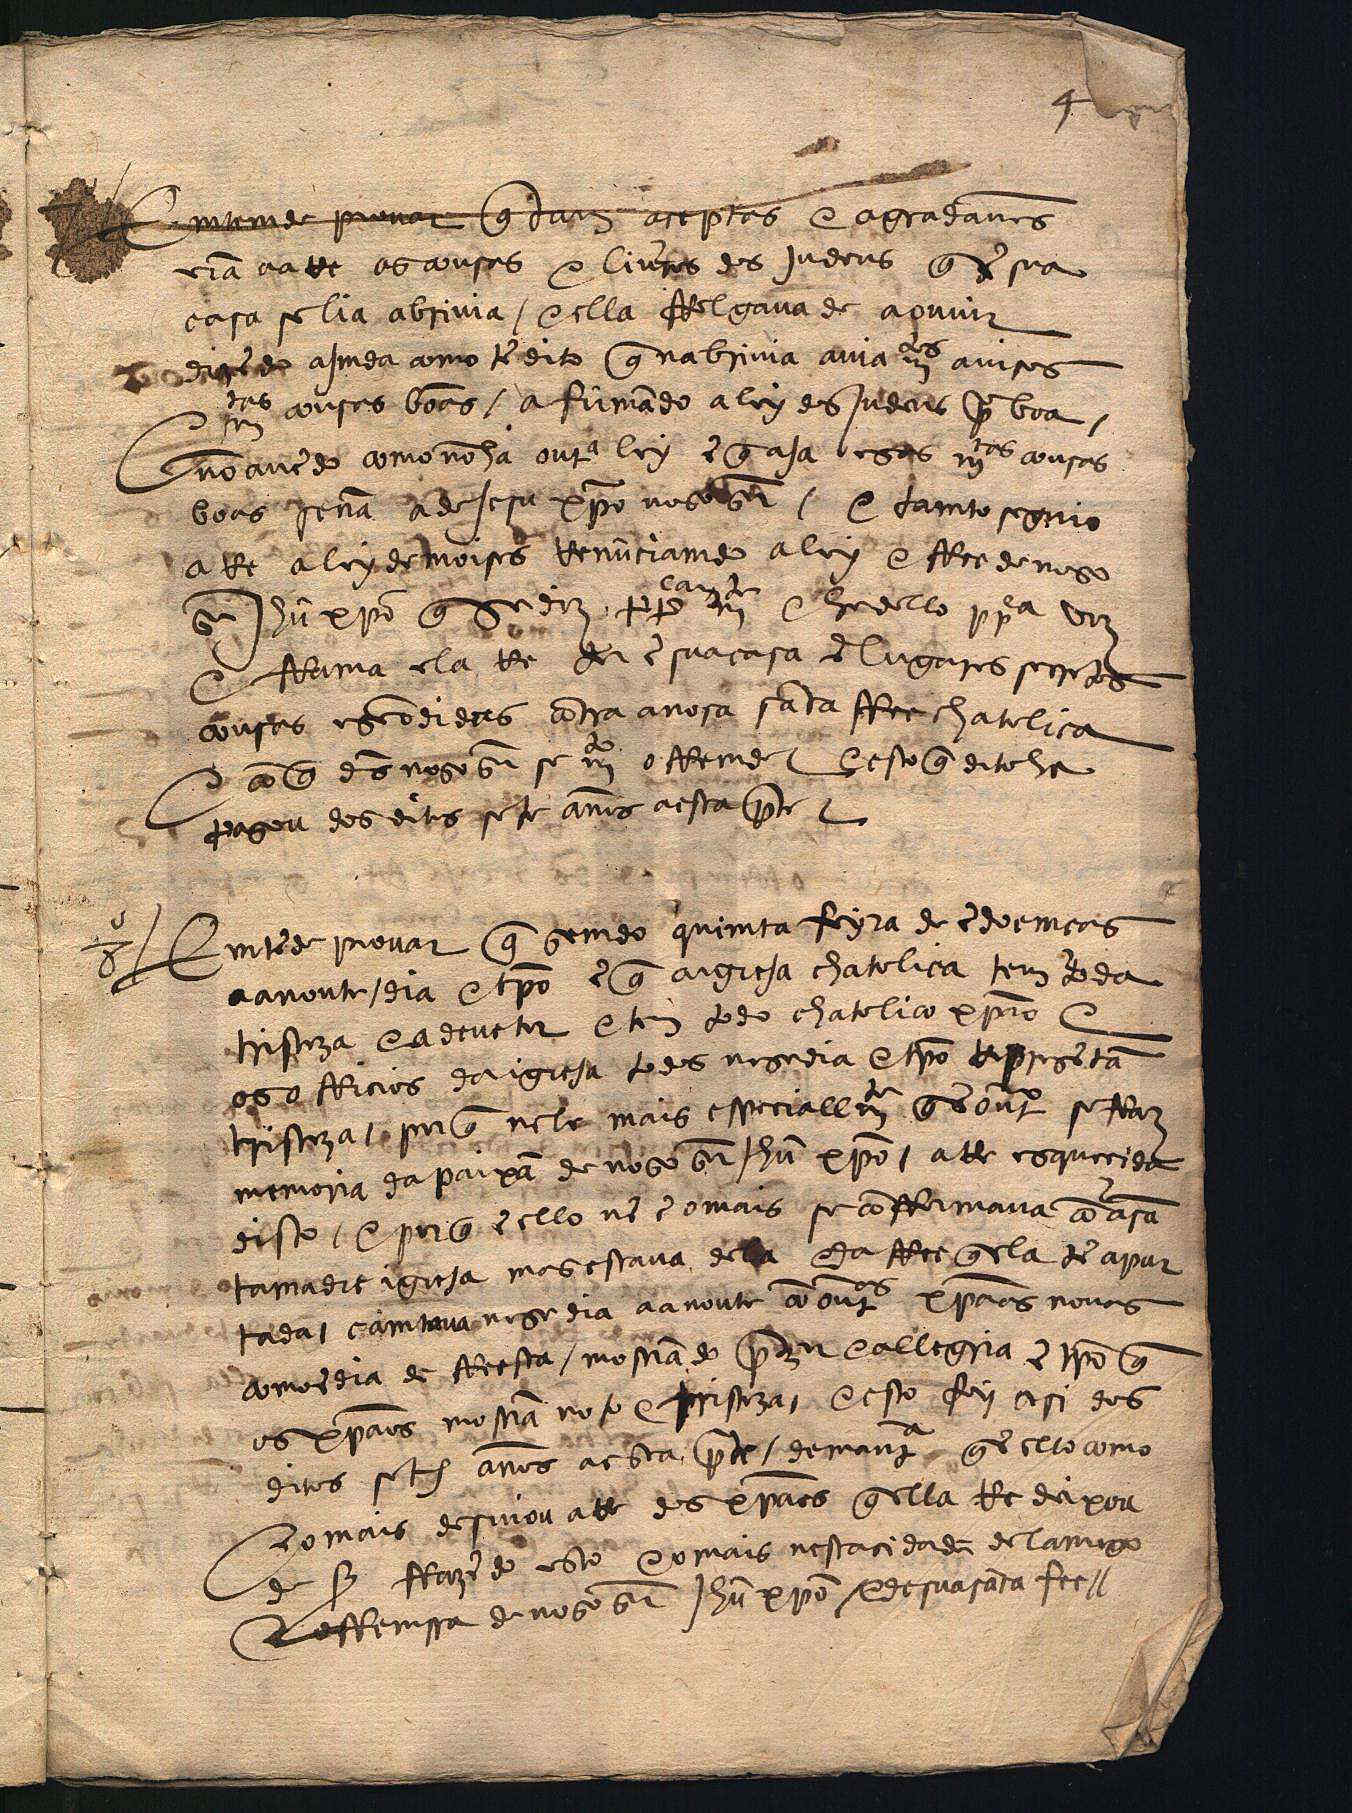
4
Emtemde prouar q̄ tam aceptas e agradāues
erā aa Re as cousas e liuros dos Judeus q̄ ē sua
casa se lia a briuia / e ella ffolgaua de a ouuir
dizēdo aJmda como tē dito q̄ na briuia auia mtos auisos
e mtas cousas bōas / afirmādo a ley dos Judeus p̄o boa /
n̄o auēdo como n̄o ha outa ley ē q̄ aja esas mtas cousas
boas senā a de Jesu xp̄o noso s̄or / e tamto seguio
a Re a ley de moises Renūciamdo a ley e ffee de noso
s̄or Jhū xpō q̄ se diz ppcamte e he dello ppca voz
e ffama ela Re ter ē sua casa ē lugares secretos
cousas esc̄odidas c̄otra a nosa sāta ffee chatolica
e c̄o q̄ ds̄ noso s̄or se mto offemde / e esto q̄ dito he
pasou dos ditos sete an̄os a esta p̄te /
8o / Emtēde prouar q̄ semdo quimta feyra de ēdoemças
aa noute / dia e tp̄o ē q̄ a igreJa chatolica tem toda
tristeza e a deue ter e tem todo chatolico xpão e
os officios da igreJa todos nese dia e tp̄o Represētā
tristeza / porq̄ nele mais especiallmte q̄ ē outro se ffaz
memoria da paixā de noso s̄or Jhū xp̄o / a Re esquecida
disto / e porq̄ ē elle nē ē o mais se c̄offormaua c̄o a s̄a
ta madre igreja mas estaua dela e da ffee q̄ ela tē apar
tada / camtaua nese dia aa noute c̄o outras xpāas nouas
como ē dias de ffeesta / mostrādo p̄zer e allegria ē tp̄o q̄
os xpãos mostrā nojo e tristeza / e esto foy asi dos
ditos setꝭ ānos a esta p̄te / de manra q̄ ē ello como
ē o mais desuiou a Re dos xpãos q̄ ella Re deixou
de ꞩ ffazēdo esto e o mais nesta cidade de lamego
ē offemssa de noso s̄or Jhū xpō / e de sua sāta fee //
